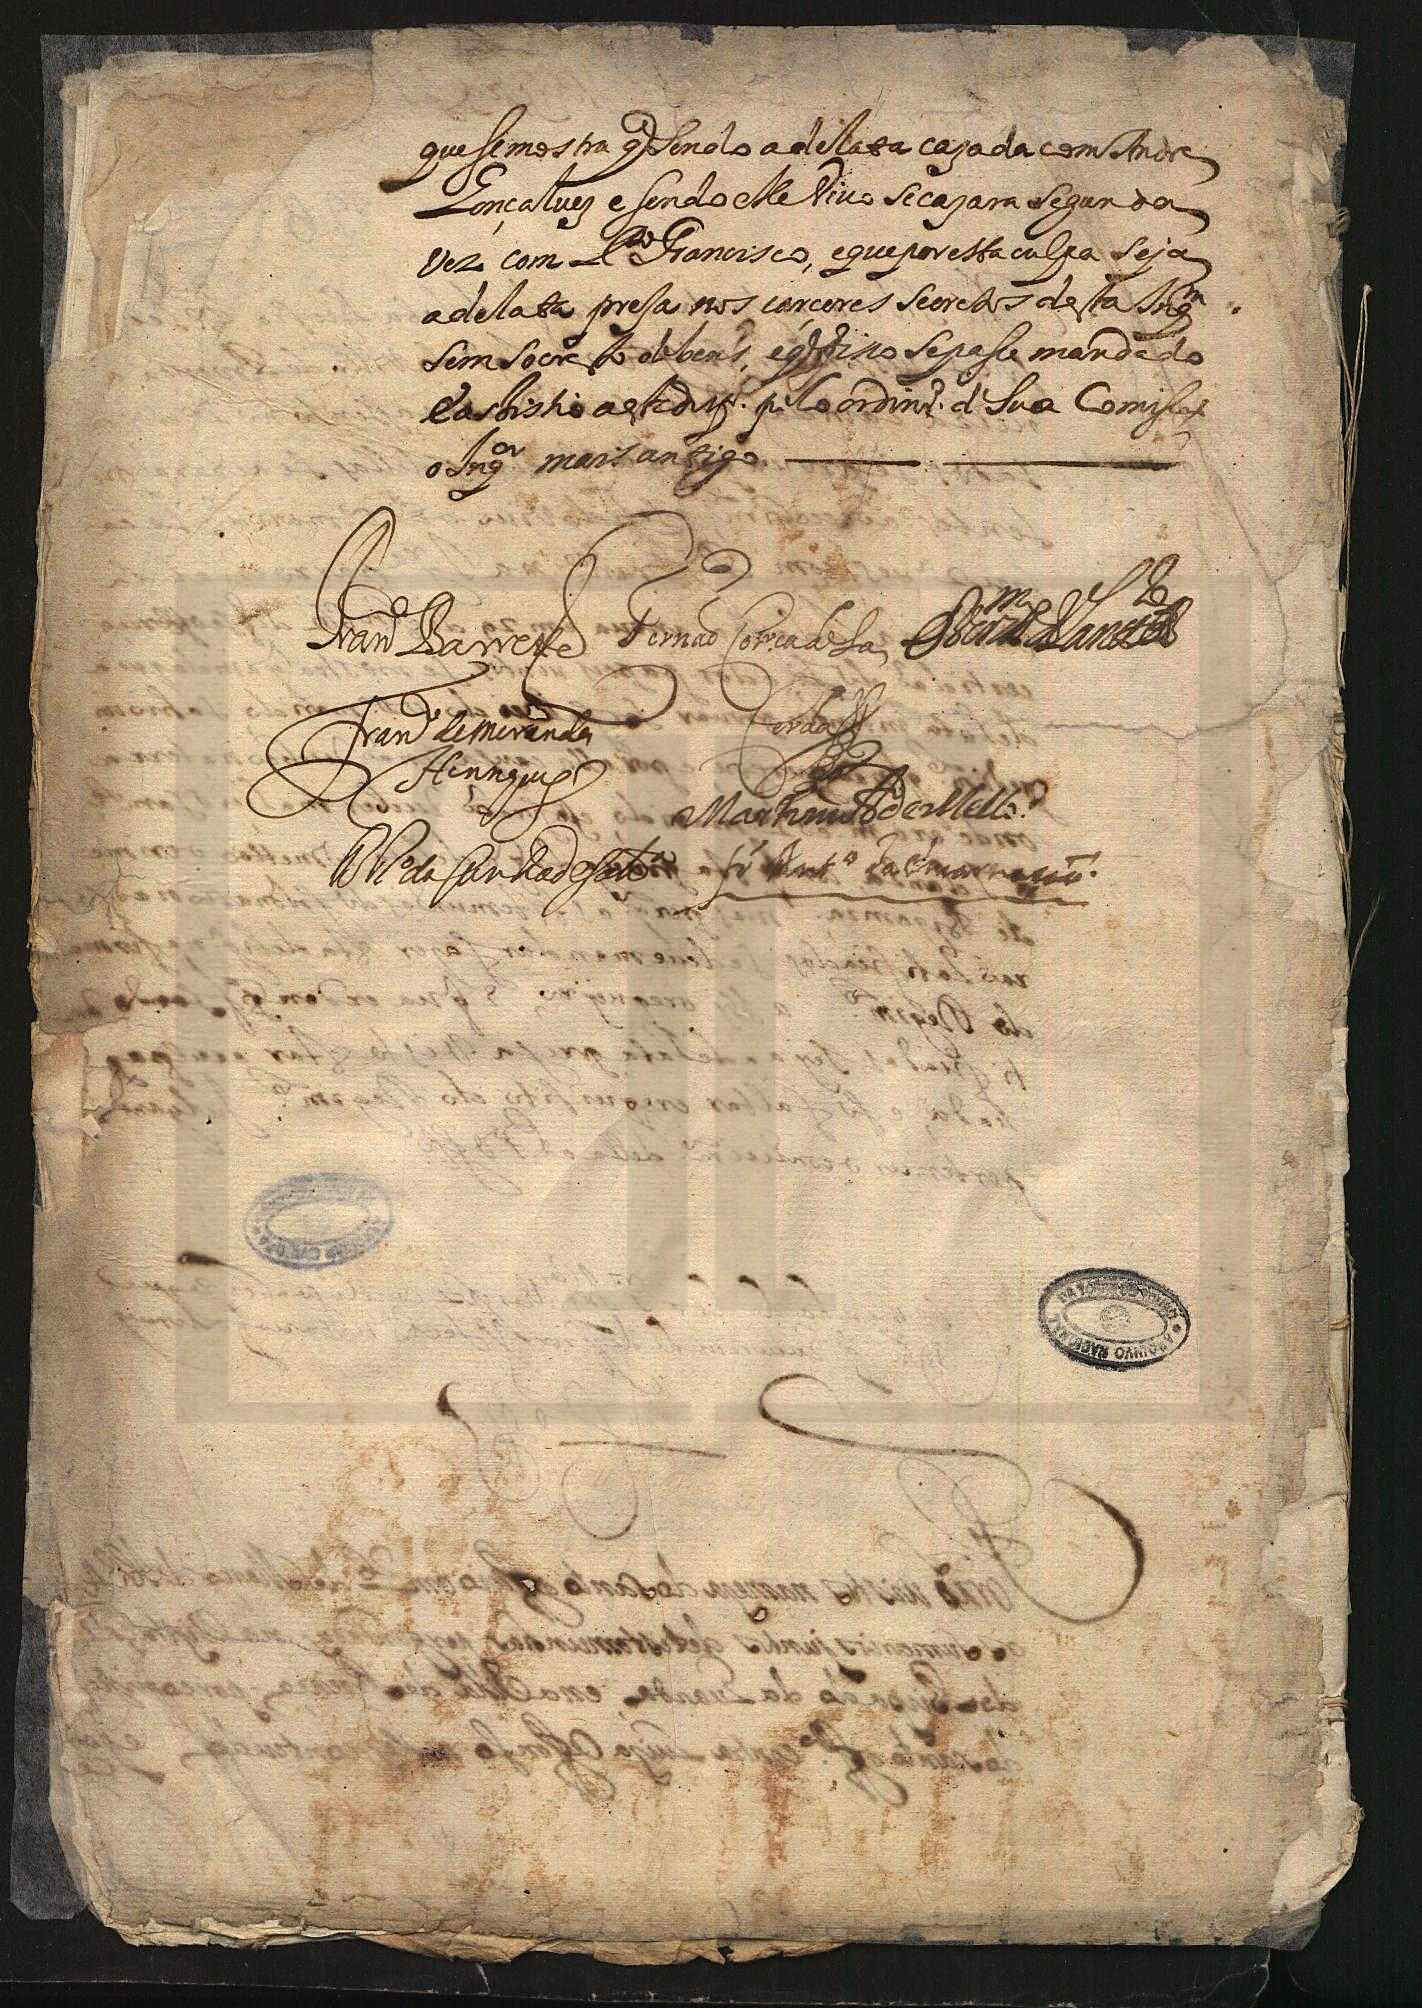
que se mostra q̄ sendo a delata casada com Andre
Gonçalvez e sendo elle Viuo se cazara segunda
vez com P.o Francisco, e que por esta culpa seja
a delata preza nos carçeres secretos desta Inq.m
sem socresto de bens, e q̄ disso se passe mandado
& assistio a este desp. pelo ordinr.o de Sua Comissaõ
o Inq.or mais antigo.
